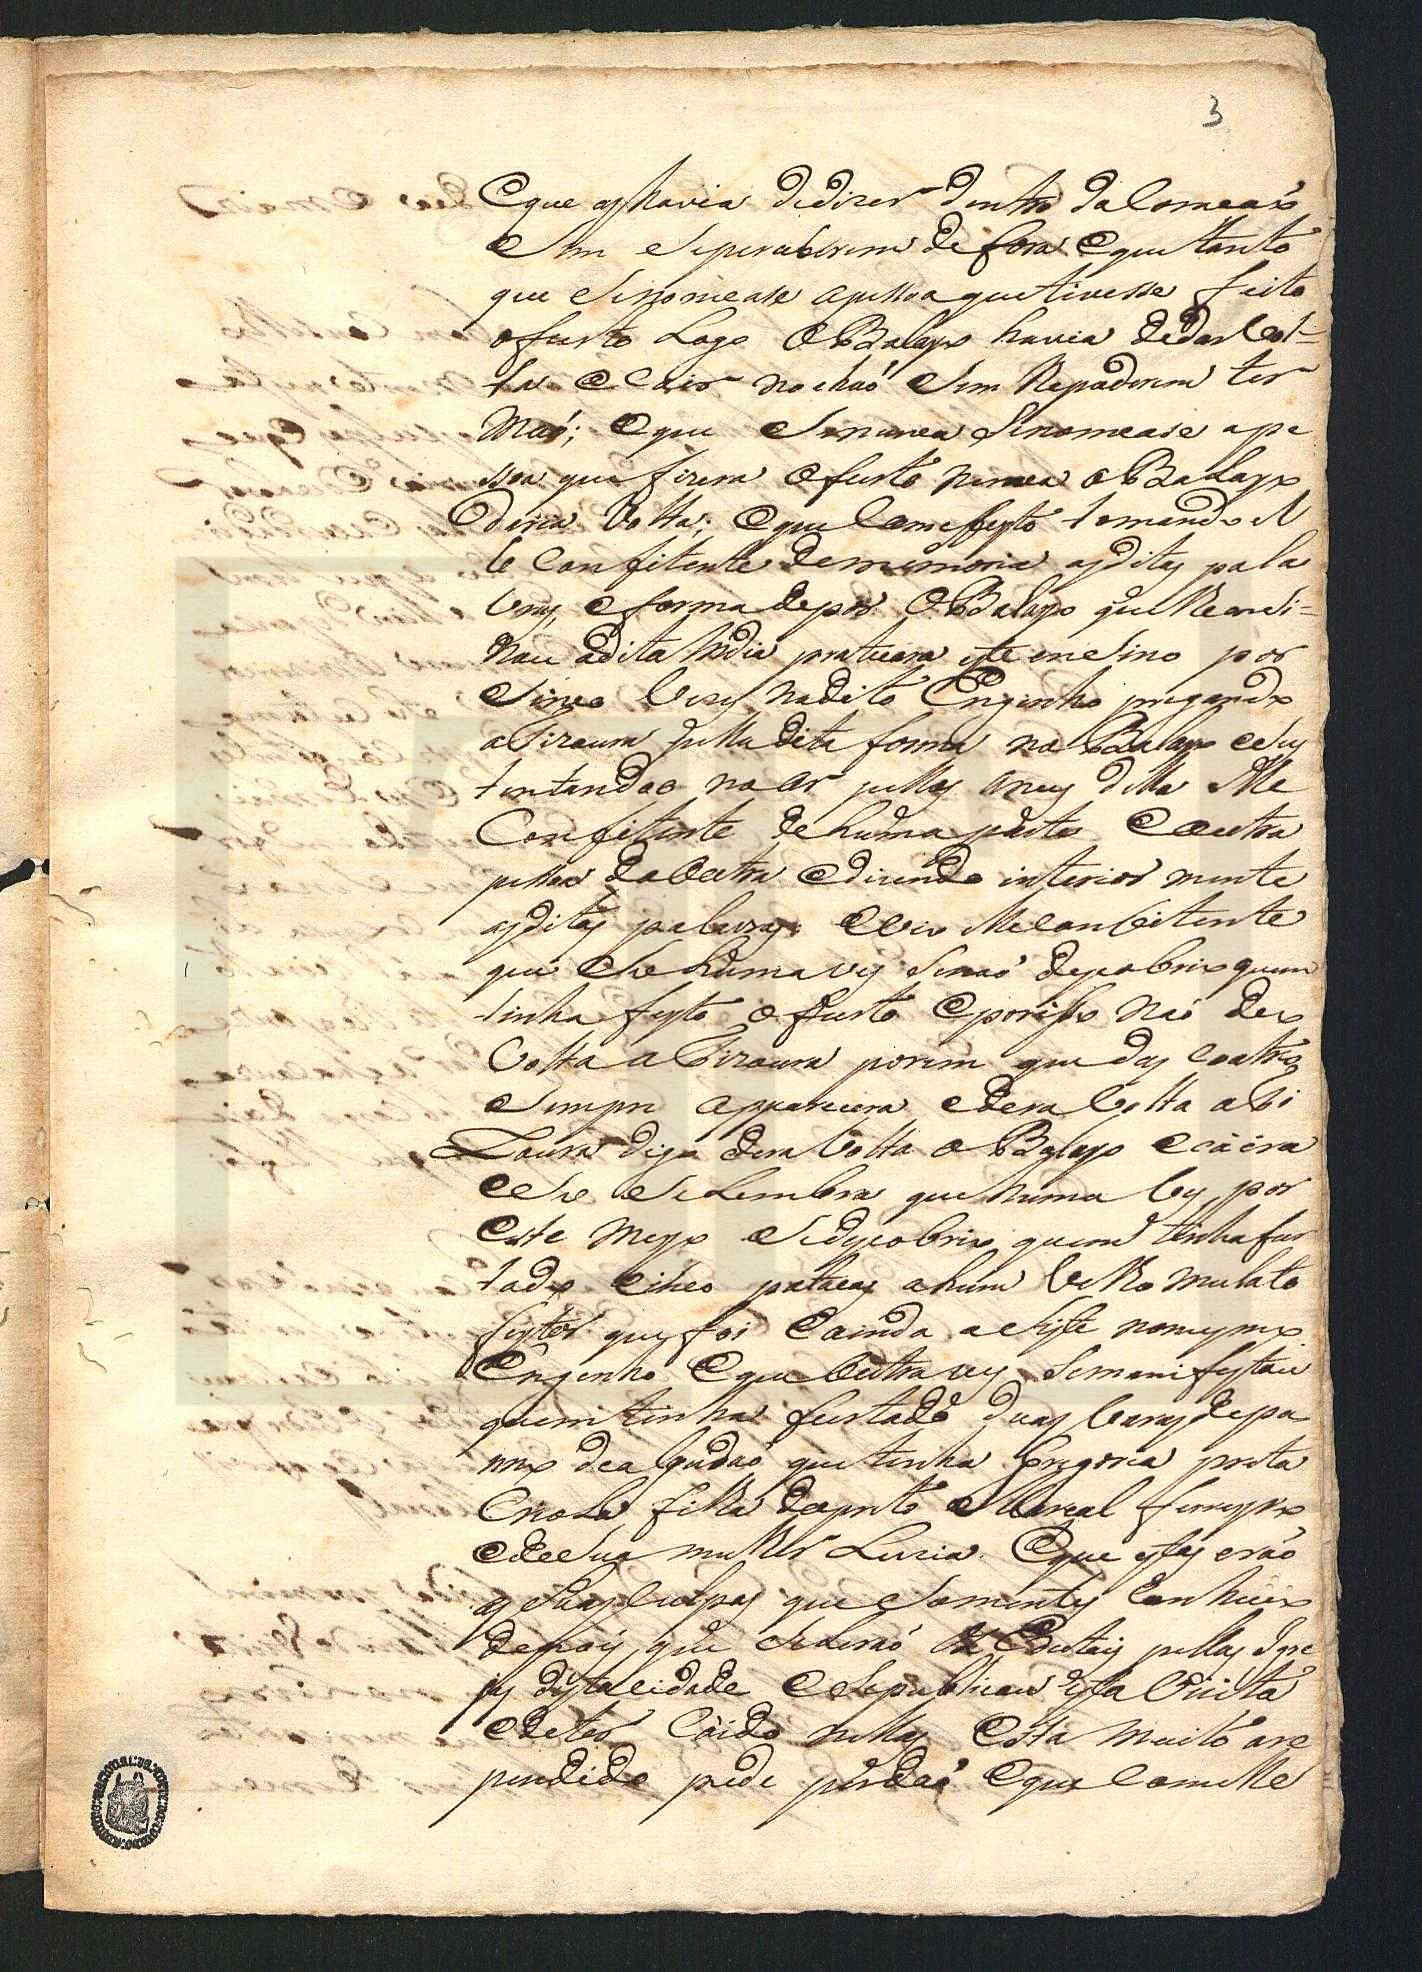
E que as havia de dizer dentro da Coraçaõ
Sem Se perceberem de fora E que tanto
que Se nomease a pessoa que tivesse feito
o furto Logo O Balayo havia de dar vol
ta e cair no chaõ Sem lhe poderem ter
maõ; E que se nunca se nomease a pe
ssoa que fizera o furto numca o BaLayo
daria Volta; E que Com effeyto tomando el
le Confitente de memoria as ditas pala
vras, e forma de por O BaLayo que lhe ensi
nou a dita India praticara este ensino por
sinco Uezes no dito Engenho pregando
a Tizoura pella dita forma no Balayo e sus
tentando o no ar pellos aneis della elle
Confitente de huma parte E outra
pessoa da outra E dizendo interiormente
as ditas palavras: E uio elle confitente
que se huma ves senaõ descobrio quem
tinha feyto o furto E por isso naõ deo
Uolta a Tizoura porem que das coatro
Sempre apparecera e dera Uolta a Ti
Zoura digo dera Uolta o Balayo e caira
e se se Lembra que huma Ves, por
este meyo se descobrio quem tinha fur
tado cinco patacas a hum Velho mulato
feytor que foi E ainda aSiste no mesmo
Engenho E que Outra ves se manifestou
quem tinha furtado duas Uaras de pa
nno de algudaõ que tinha Gregoria preta
CrioLa filha do preto Marçal ferreyro
E de Sua mulher Luzia E que estas eraõ
as Suas culpas que Somentes conheceo
depois que Se Leraõ oz Editais pellas Igre
jas desta cidade e Se publicou esta Uizita
e de ter Caido nellas esta muito are
pendido pede perdaõ E que com elle
